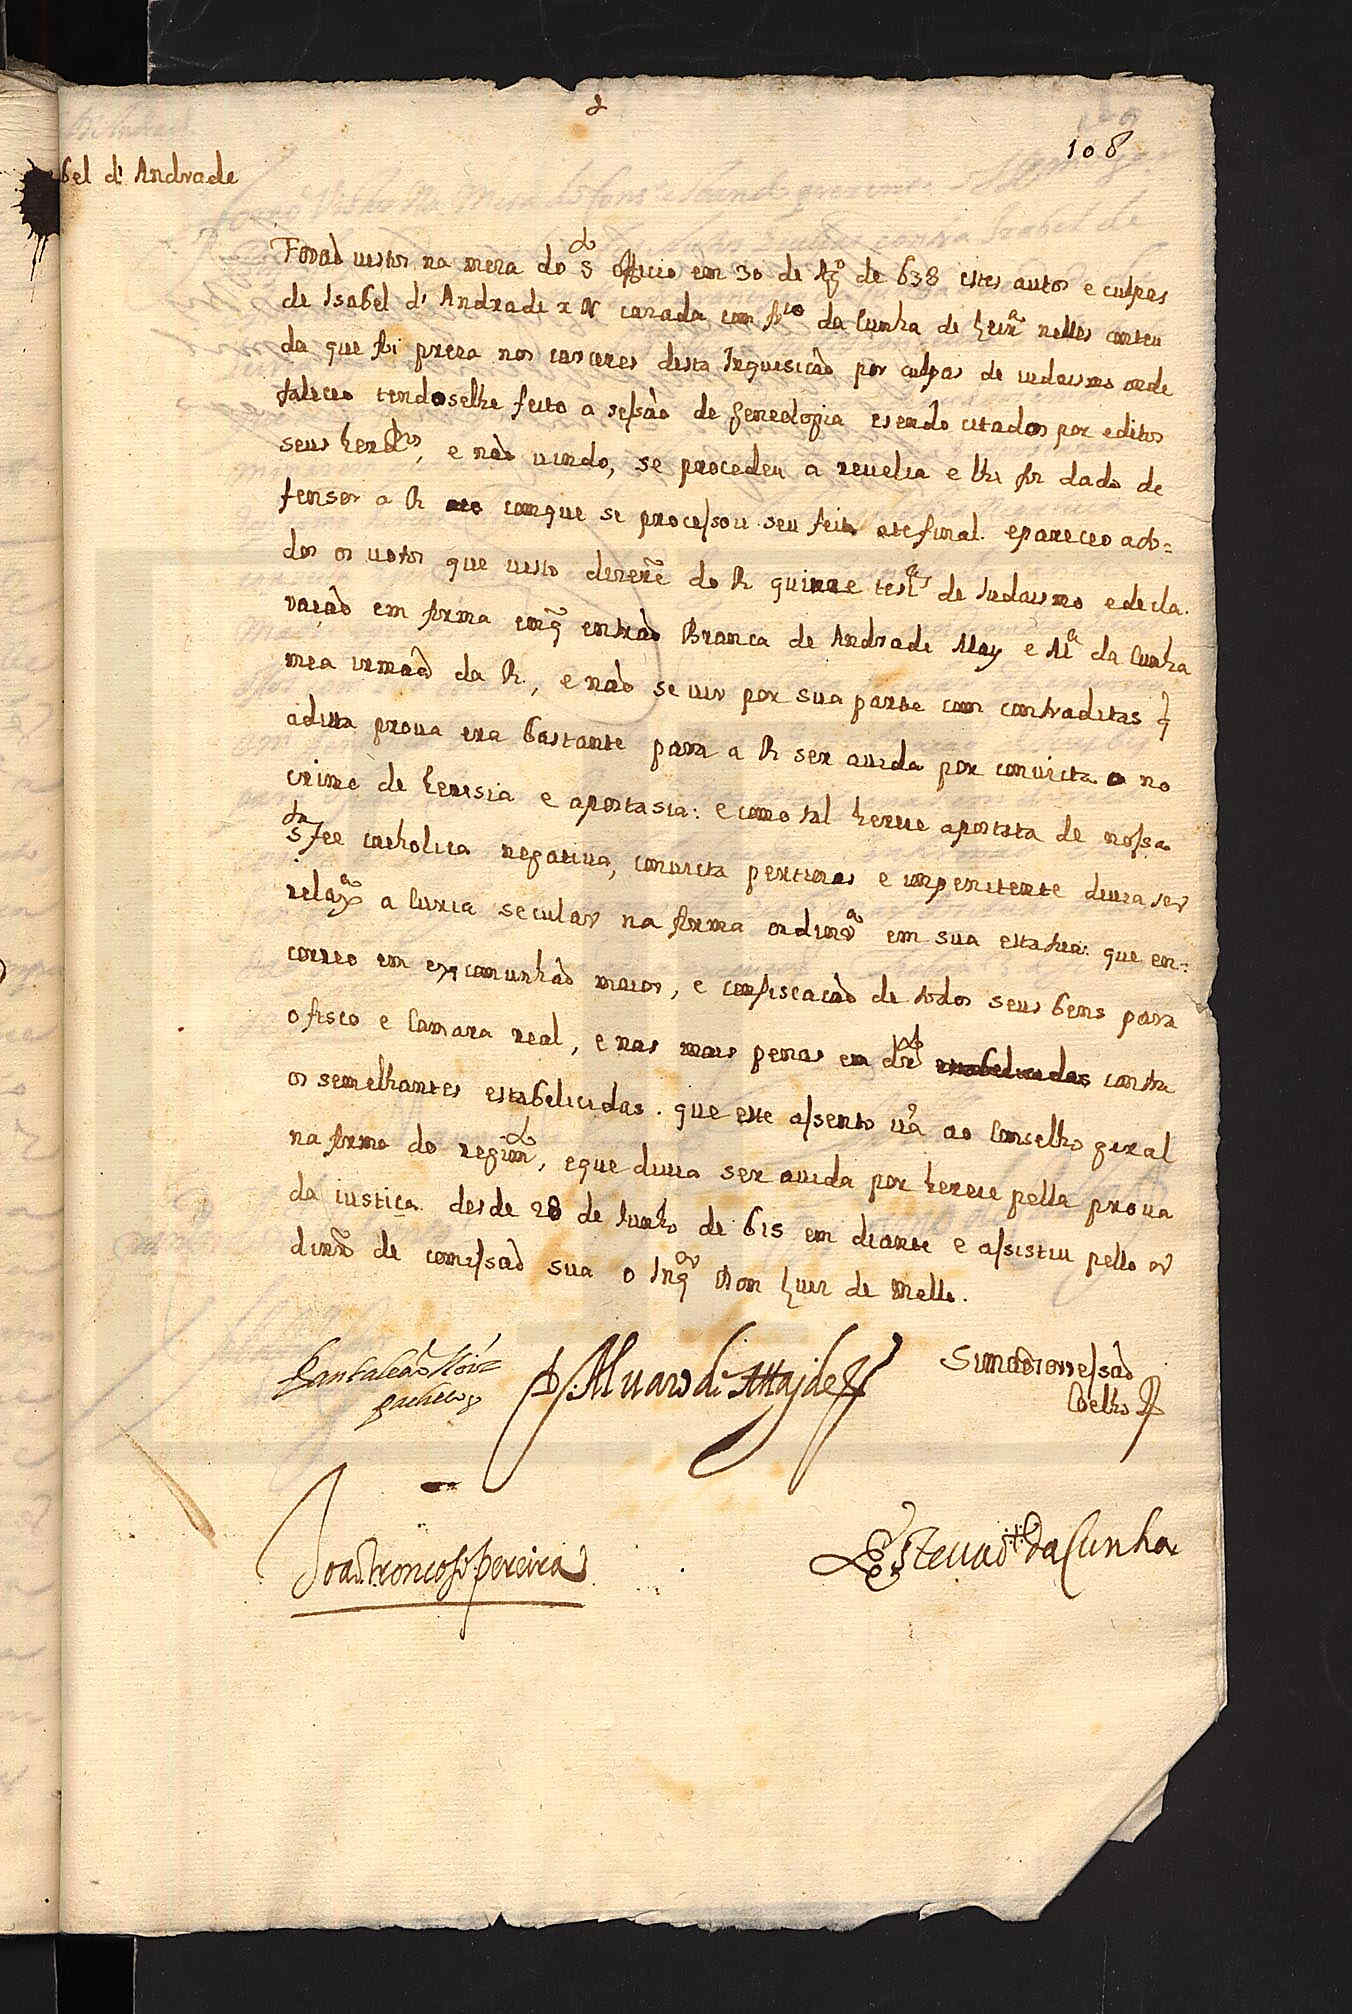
bel d' Andrade
Foraõ uistos na meza do Sto officio em 30 de Ago de 638 estes autos e culpas
de Isabel d' Andrade x N cazada com frco da Cunha de Leira nelles conteu
da que foi preza nos carceres desta Inquisicão por culpas de iudaismo onde
faleceo tendoselhe feito a sessão de Geneologia e sendo citados por editos
seus herdros, e não uindo, se procedeu a reuelia e lhe foi dado de
fensor a R __ com que se processou seu feito ate final. e pareceo a to
dos os uotos que uisto dizerē do R quinze testas de Iudaismo e decla
ração em forma em q̄ entrão Branca de Andrade May e Ma da Cunha
mea irmaā da R, e não se uir por sua parte com contraditas q̄
a ditta proua era bastante para a R ser auida por conuicta o no
crime de heresia e apostasia: e como tal hereie apostata de nossa
sta fee catholica negatiua, conuicta pertinas e impenitente diuia ser
relaxa a Curia secular na forma ordinra em sua estatua: que en
correo em excomunhão maior, e confiscacão de todos seus bens para
o fisco e Camara real, e nas mais penas em drto estabelicidas contra
os semelhantes estabelicidas . que este assento uā ao Conselho geral
na forma do regimto, e que diuia ser auida por hereie pella proua
da iustiça desde 28 de Iunho de 615 em diante e asistiu pello or
dinro de comissão sua o Inqor Dom Luiz de Mello.
Simaõ torressão
Coelho
